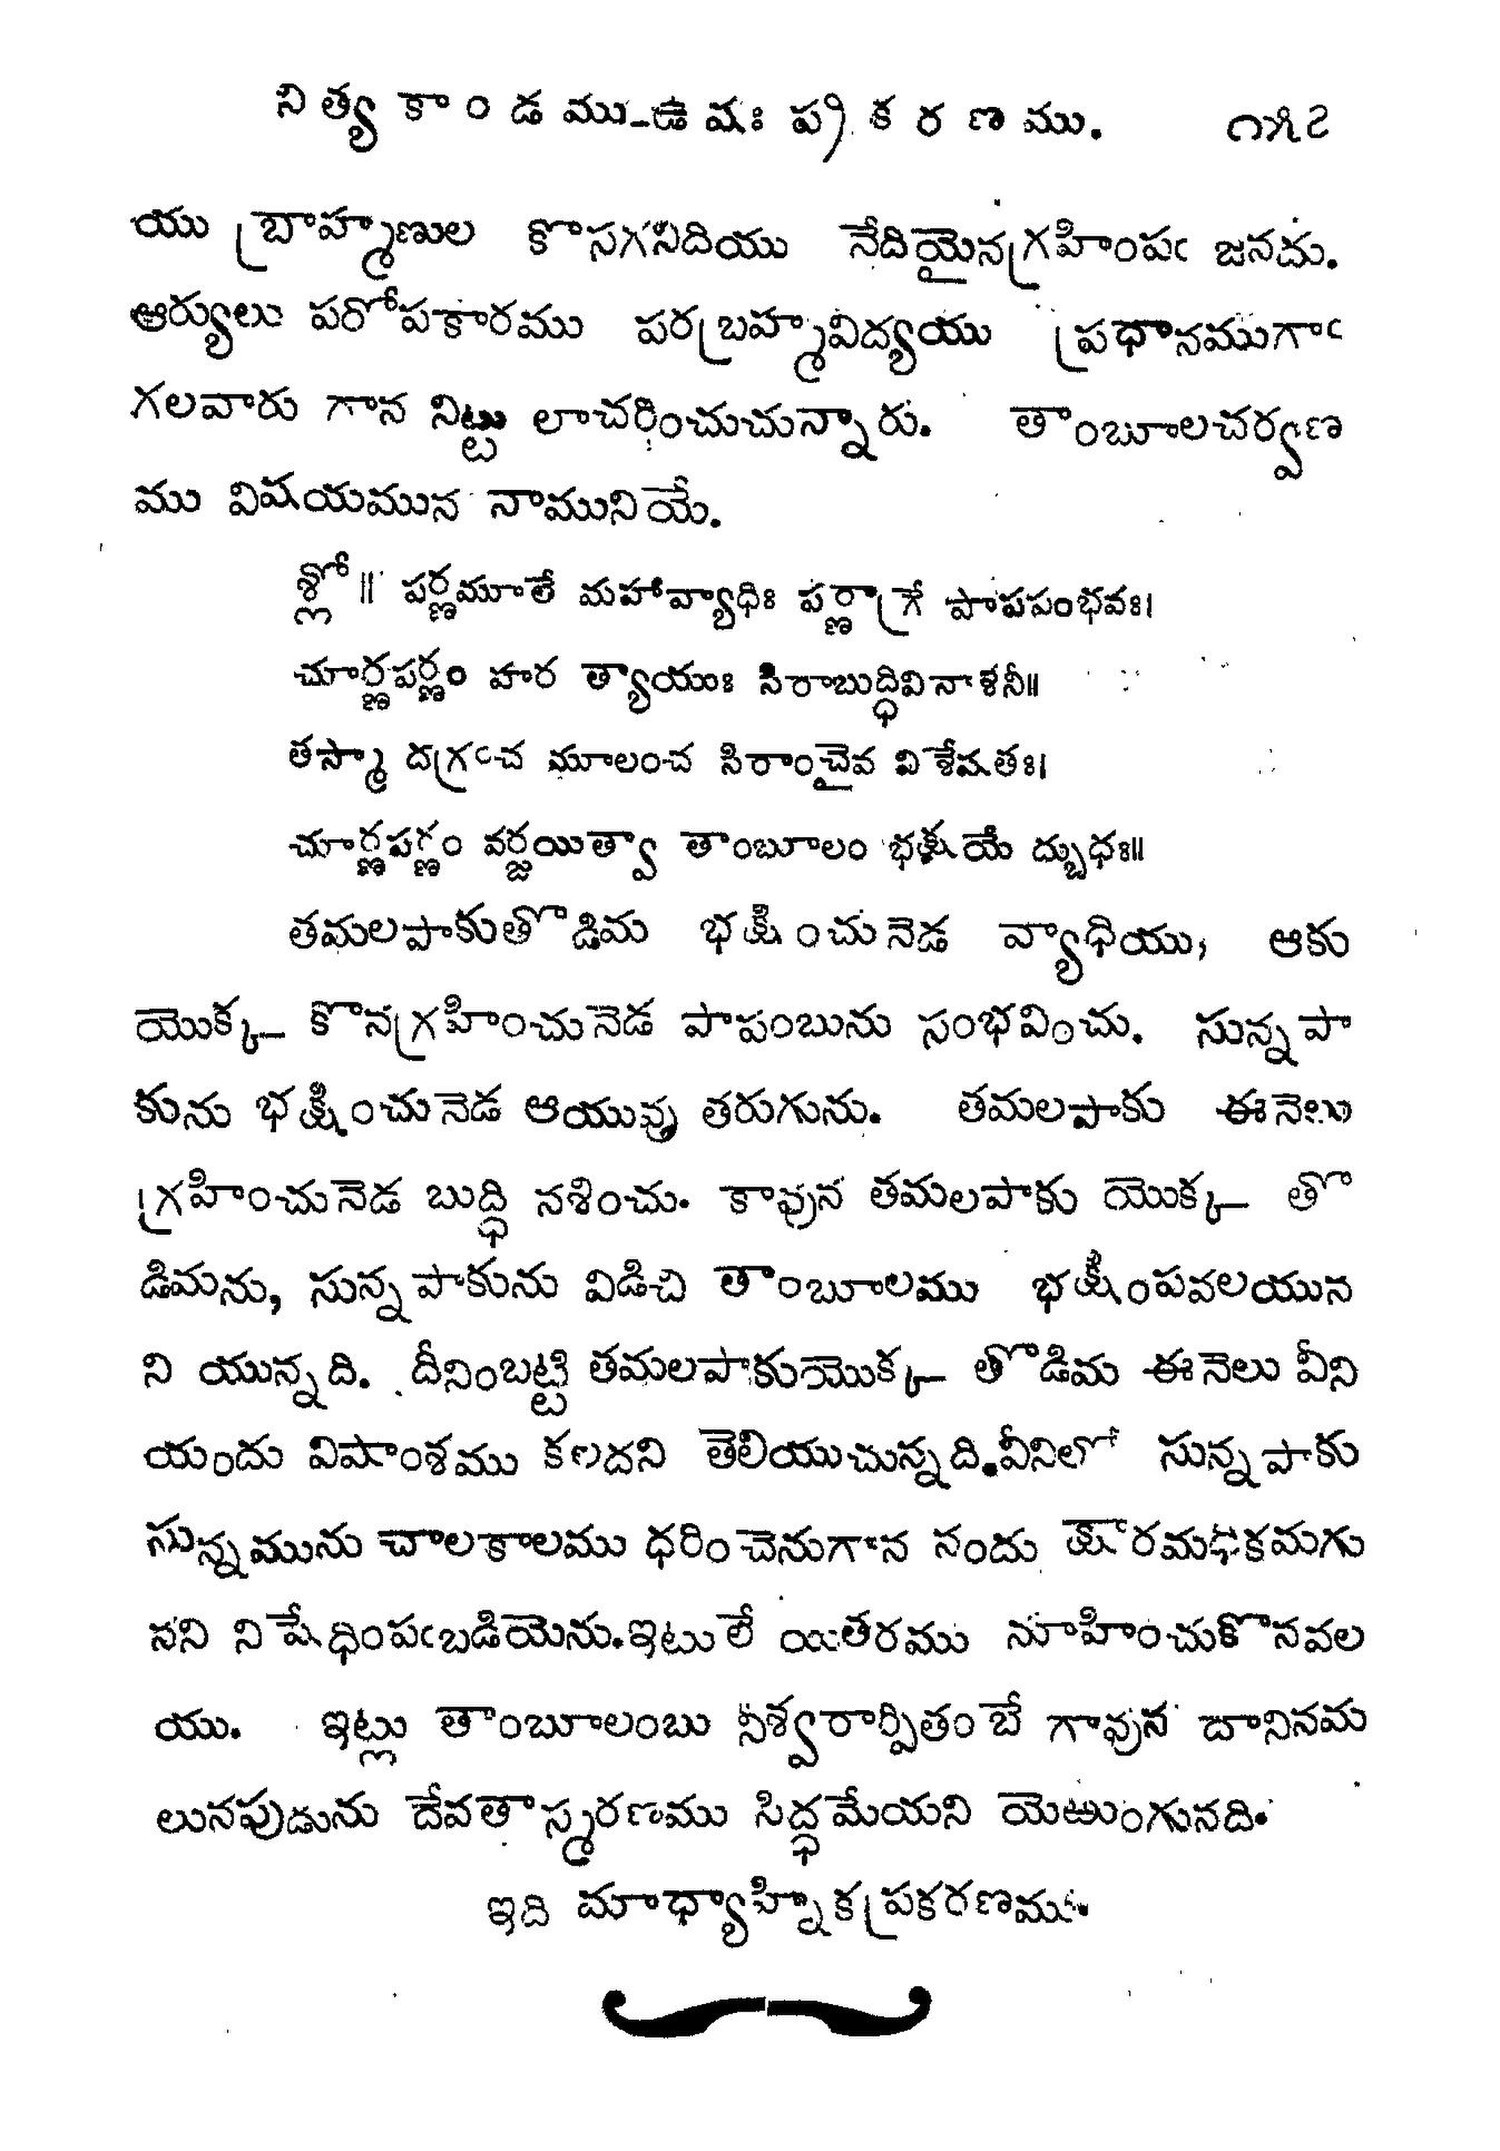యు బ్రాహ్మణుల కొసగనిదియు నేదియైనగ్రహింపఁ జనదు. ఆర్యులు పరోపకారము పరబ్రహ్మవిద్యయు ప్రధానముగాఁ గలవారు గాన నిట్టు లాచరించుచున్నారు. తాంబూలచర్వణము విషయమున నామునియే.

శ్లో॥ పర్ణమూలే మహావ్యాధిః పర్ణాగ్రే పాపసంభవః।
 చూర్ణపర్ణం హర త్యాయుః సిరాబుద్ధివినాశనీ॥
 తస్మా దగ్రంచ మూలంచ సిరాంచైవ విశేషతః।
 చూర్ణపర్ణం వర్జయిత్వా తాంబూలం భక్షయే ద్భుధః॥

తమలపాకుతొడిమ భక్షించునెడ వ్యాధియు, ఆకుయొక్క కొనగ్రహించునెడ పాపంబును సంభవించు. సున్నపాకును భక్షించునెడ ఆయువు తరుగును. తమలపాకు ఈనెలు గ్రహించునెడ బుద్ధి నశించు. కావున తమలపాకు యొక్క తొడిమను, సున్నపాకును విడిచి తాంబూలము భక్షింపవలయునని యున్నది. దీనింబట్టి తమలపాకుయొక్క తొడిమ ఈనెలు వీనియందు విషాంశము కలదని తెలియుచున్నది. వీనిలో సున్నపాకు సున్నమును చాలకాలము ధరించెనుగాన నందు క్షారమధికమగు నని నిషేధింపఁబడియెను. ఇటులే యితరము నూహించుకొనవలయు. ఇట్లు తాంబూలంబు నీశ్వరార్పితంబే గావున దానినమలునపుడును దేవతాస్మరణము సిద్ధమేయని యెఱుంగునది.